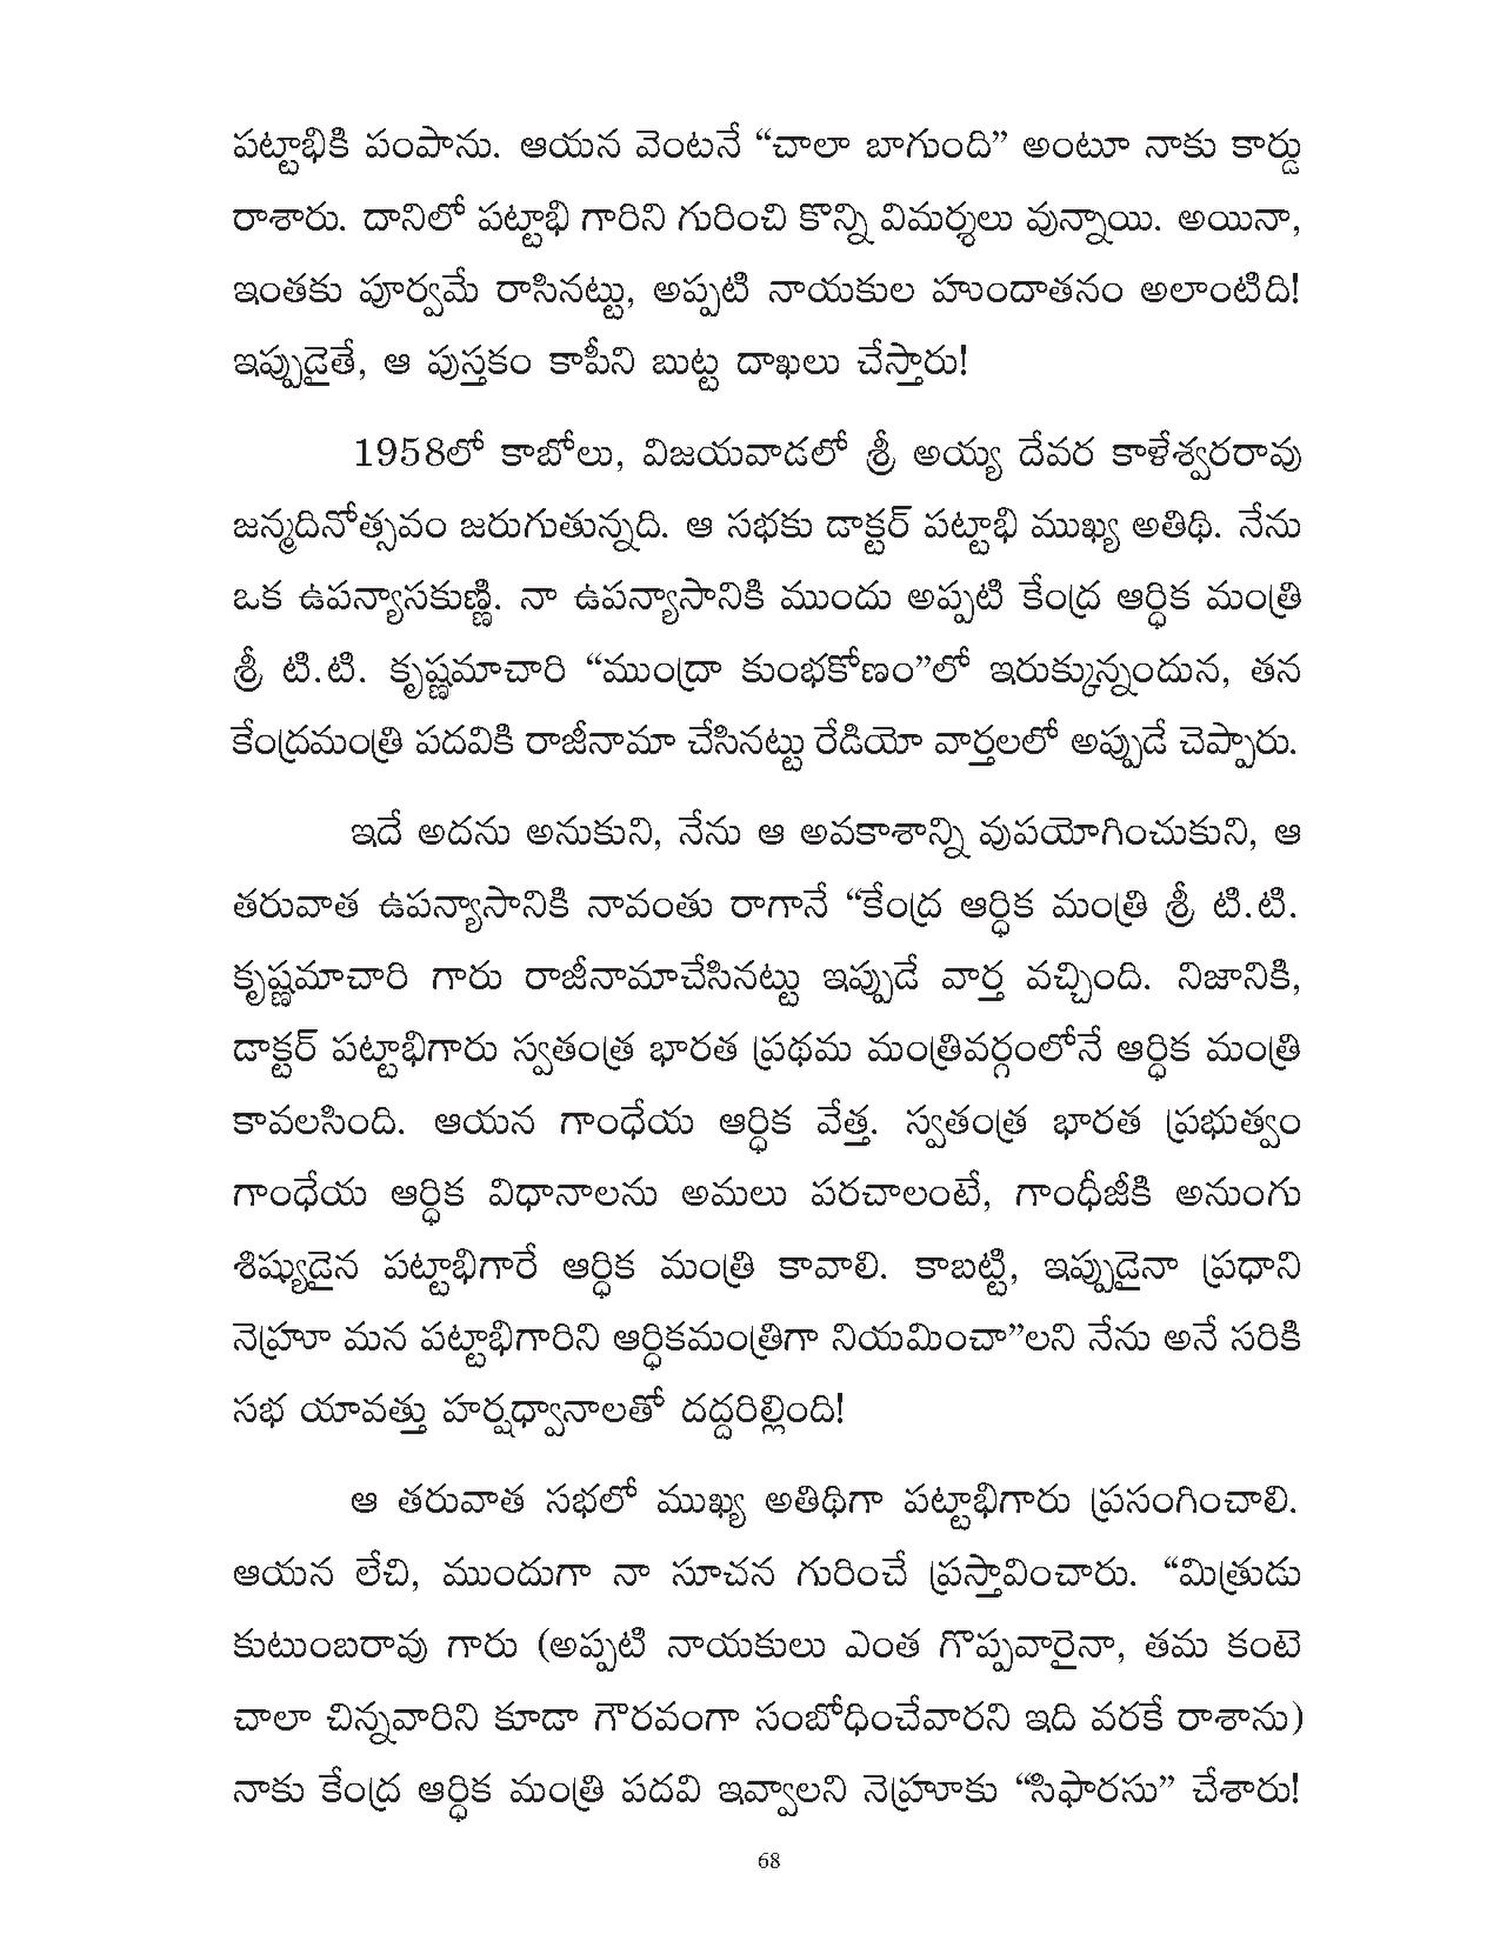పట్టాభికి పంపాను. ఆయన వెంటనే "చాలా బాగుంది" అంటూ నాకు కార్డు
రాశారు. దానిలో పట్టాభి గారిని గురించి కొన్ని విమర్శలు వున్నాయి. అయినా,
ఇంతకు పూర్వమే రాసినట్టు, అప్పటి నాయకుల హుందాతనం అలాంటిది!
ఇప్పుడైతే, ఆ పుస్తకం కాపీని బుట్ట దాఖలు చేస్తారు!

1958లో కాబోలు, విజయవాడలో శ్రీ అయ్య దేవర కాళేశ్వరరావు
జన్మదినోత్సవం జరుగుతున్నది. ఆ సభకు డాక్టర్ పట్టాభి ముఖ్య అతిథి. నేను
ఒక ఉపన్యాసకుణ్ణి. నా ఉపన్యాసానికి ముందు అప్పటి కేంద్ర ఆర్ధిక మంత్రి
శ్రీ టి.టి. కృష్ణమాచారి "ముంద్రా కుంభకోణం"లో ఇరుక్కున్నందున, తన
కేంద్రమంత్రి పదవికి రాజీనామా చేసినట్టు రేడియో వార్తలలో అప్పుడే చెప్పారు.

ఇదే అదను అనుకుని, నేను ఆ అవకాశాన్ని వుపయోగించుకుని, ఆ
తరువాత ఉపన్యాసానికి నావంతు రాగానే "కేంద్ర ఆర్ధిక మంత్రి శ్రీ టి.టి.
కృష్ణమాచారి గారు రాజీనామాచేసినట్టు ఇప్పుడే వార్త వచ్చింది. నిజానికి,
డాక్టర్ పట్టాభిగారు స్వతంత్ర భారత ప్రథమ మంత్రివర్గంలోనే ఆర్ధిక మంత్రి
కావలసింది. ఆయన గాంధేయ ఆర్ధిక వేత్త. స్వతంత్ర భారత ప్రభుత్వం
గాంధేయ ఆర్ధిక విధానాలను అమలు పరచాలంటే, గాంధీజీకి అనుంగు
శిష్యుడైన పట్టాభిగారే ఆర్ధిక మంత్రి కావాలి. కాబట్టి, ఇప్పుడైనా ప్రధాని
నెహ్రూ మన పట్టాభిగారిని ఆర్ధికమంత్రిగా నియమించా"లని నేను అనే సరికి
సభ యావత్తు హర్షధ్వానాలతో దద్దరిల్లింది!

ఆ తరువాత సభలో ముఖ్య అతిథిగా పట్టాభిగారు ప్రసంగించాలి.
ఆయన లేచి, ముందుగా నా సూచన గురించే ప్రస్తావించారు. "మిత్రుడు
కుటుంబరావు గారు (అప్పటి నాయకులు ఎంత గొప్పవారైనా, తమ కంటె
చాలా చిన్నవారిని కూడా గౌరవంగా సంబోధించేవారని ఇది వరకే రాశాను)
నాకు కేంద్ర ఆర్ధిక మంత్రి పదవి ఇవ్వాలని నెహ్రూకు "సిఫారసు" చేశారు!